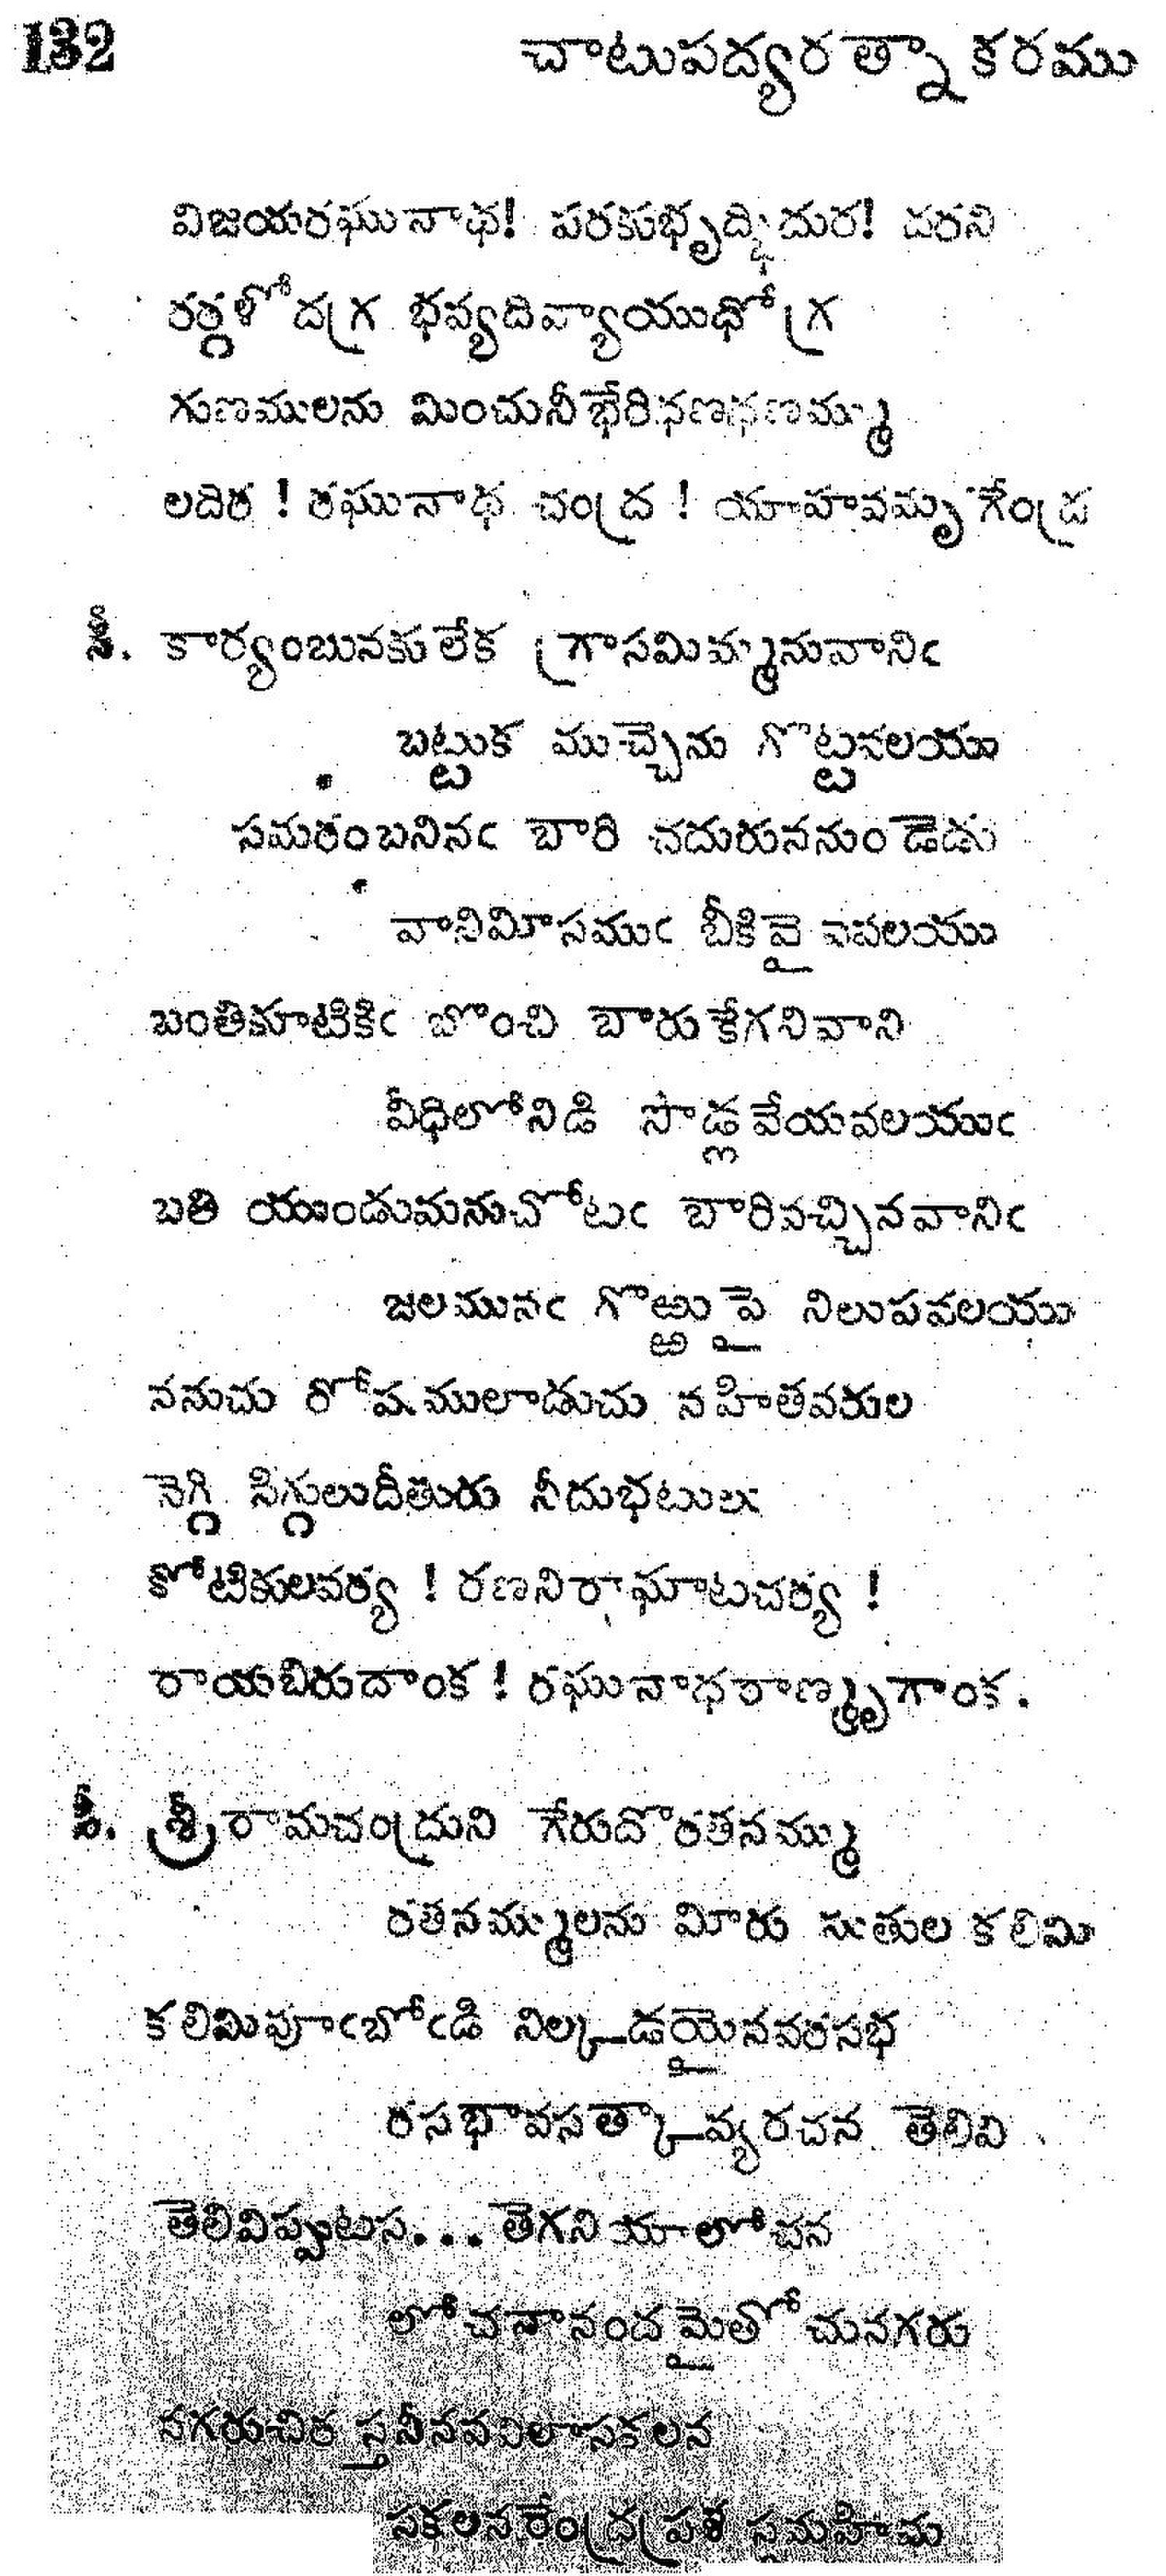విజయరఘునాథ! పరకుభృద్భిదుర! దరని
 రర్గళోదగ్ర భవ్యదివ్యాయుధోగ్ర
 గుణములను మించు నీ భేరి ధణధణమ్ము
 లదిర! రఘునాథచంద్ర! యాహవమృగేంద్ర!

సీ. కార్యంబునకు లేక గ్రాస మిమ్మనువానిఁ
 బట్టుక ముచ్చెను గొట్టవలయు
 సమరం బనినఁ బారి చదురున నుండెడు
 వానిమీసముఁ బీకి వైవవలయు
 బంతికూటికిఁ బొంచి బారుకేగనివాని
 వీధిలో నిడి సొడ్ల వేయవలయుఁ
 బతి యుండుమనుచోటఁ బారివచ్చినవానిఁ
 జలమునఁ గొఱ్ఱుపై నిలుపవలయు
 ననుచు రోషము లాడుచు నహితవరుల
 నెగ్గి సిగ్గులు దీతురు నీదుభటులు
 కోటికులవర్య! రణనిరాఘాటచర్య!
 రాయబిరుదాంక! రఘునాథరాణ్మృగాంక!

సీ. శ్రీరామచంద్రుని గేరుదొరతనమ్ము
 రతనమ్ములను మీరు సుతుల కలిమి
 కలిమి పూఁబోఁడి నిల్కడయైన వరసభ
 రసభావసత్కావ్యరచన తెలివి
 తెలివిప్పుటస.........తెగని యాలోచన
 లోచనానందమై తోచు నగరు
 నగరు చిరస్తనీనవవిలాసకలన
 సకలనరేంద్రప్రశస్తమహిమ